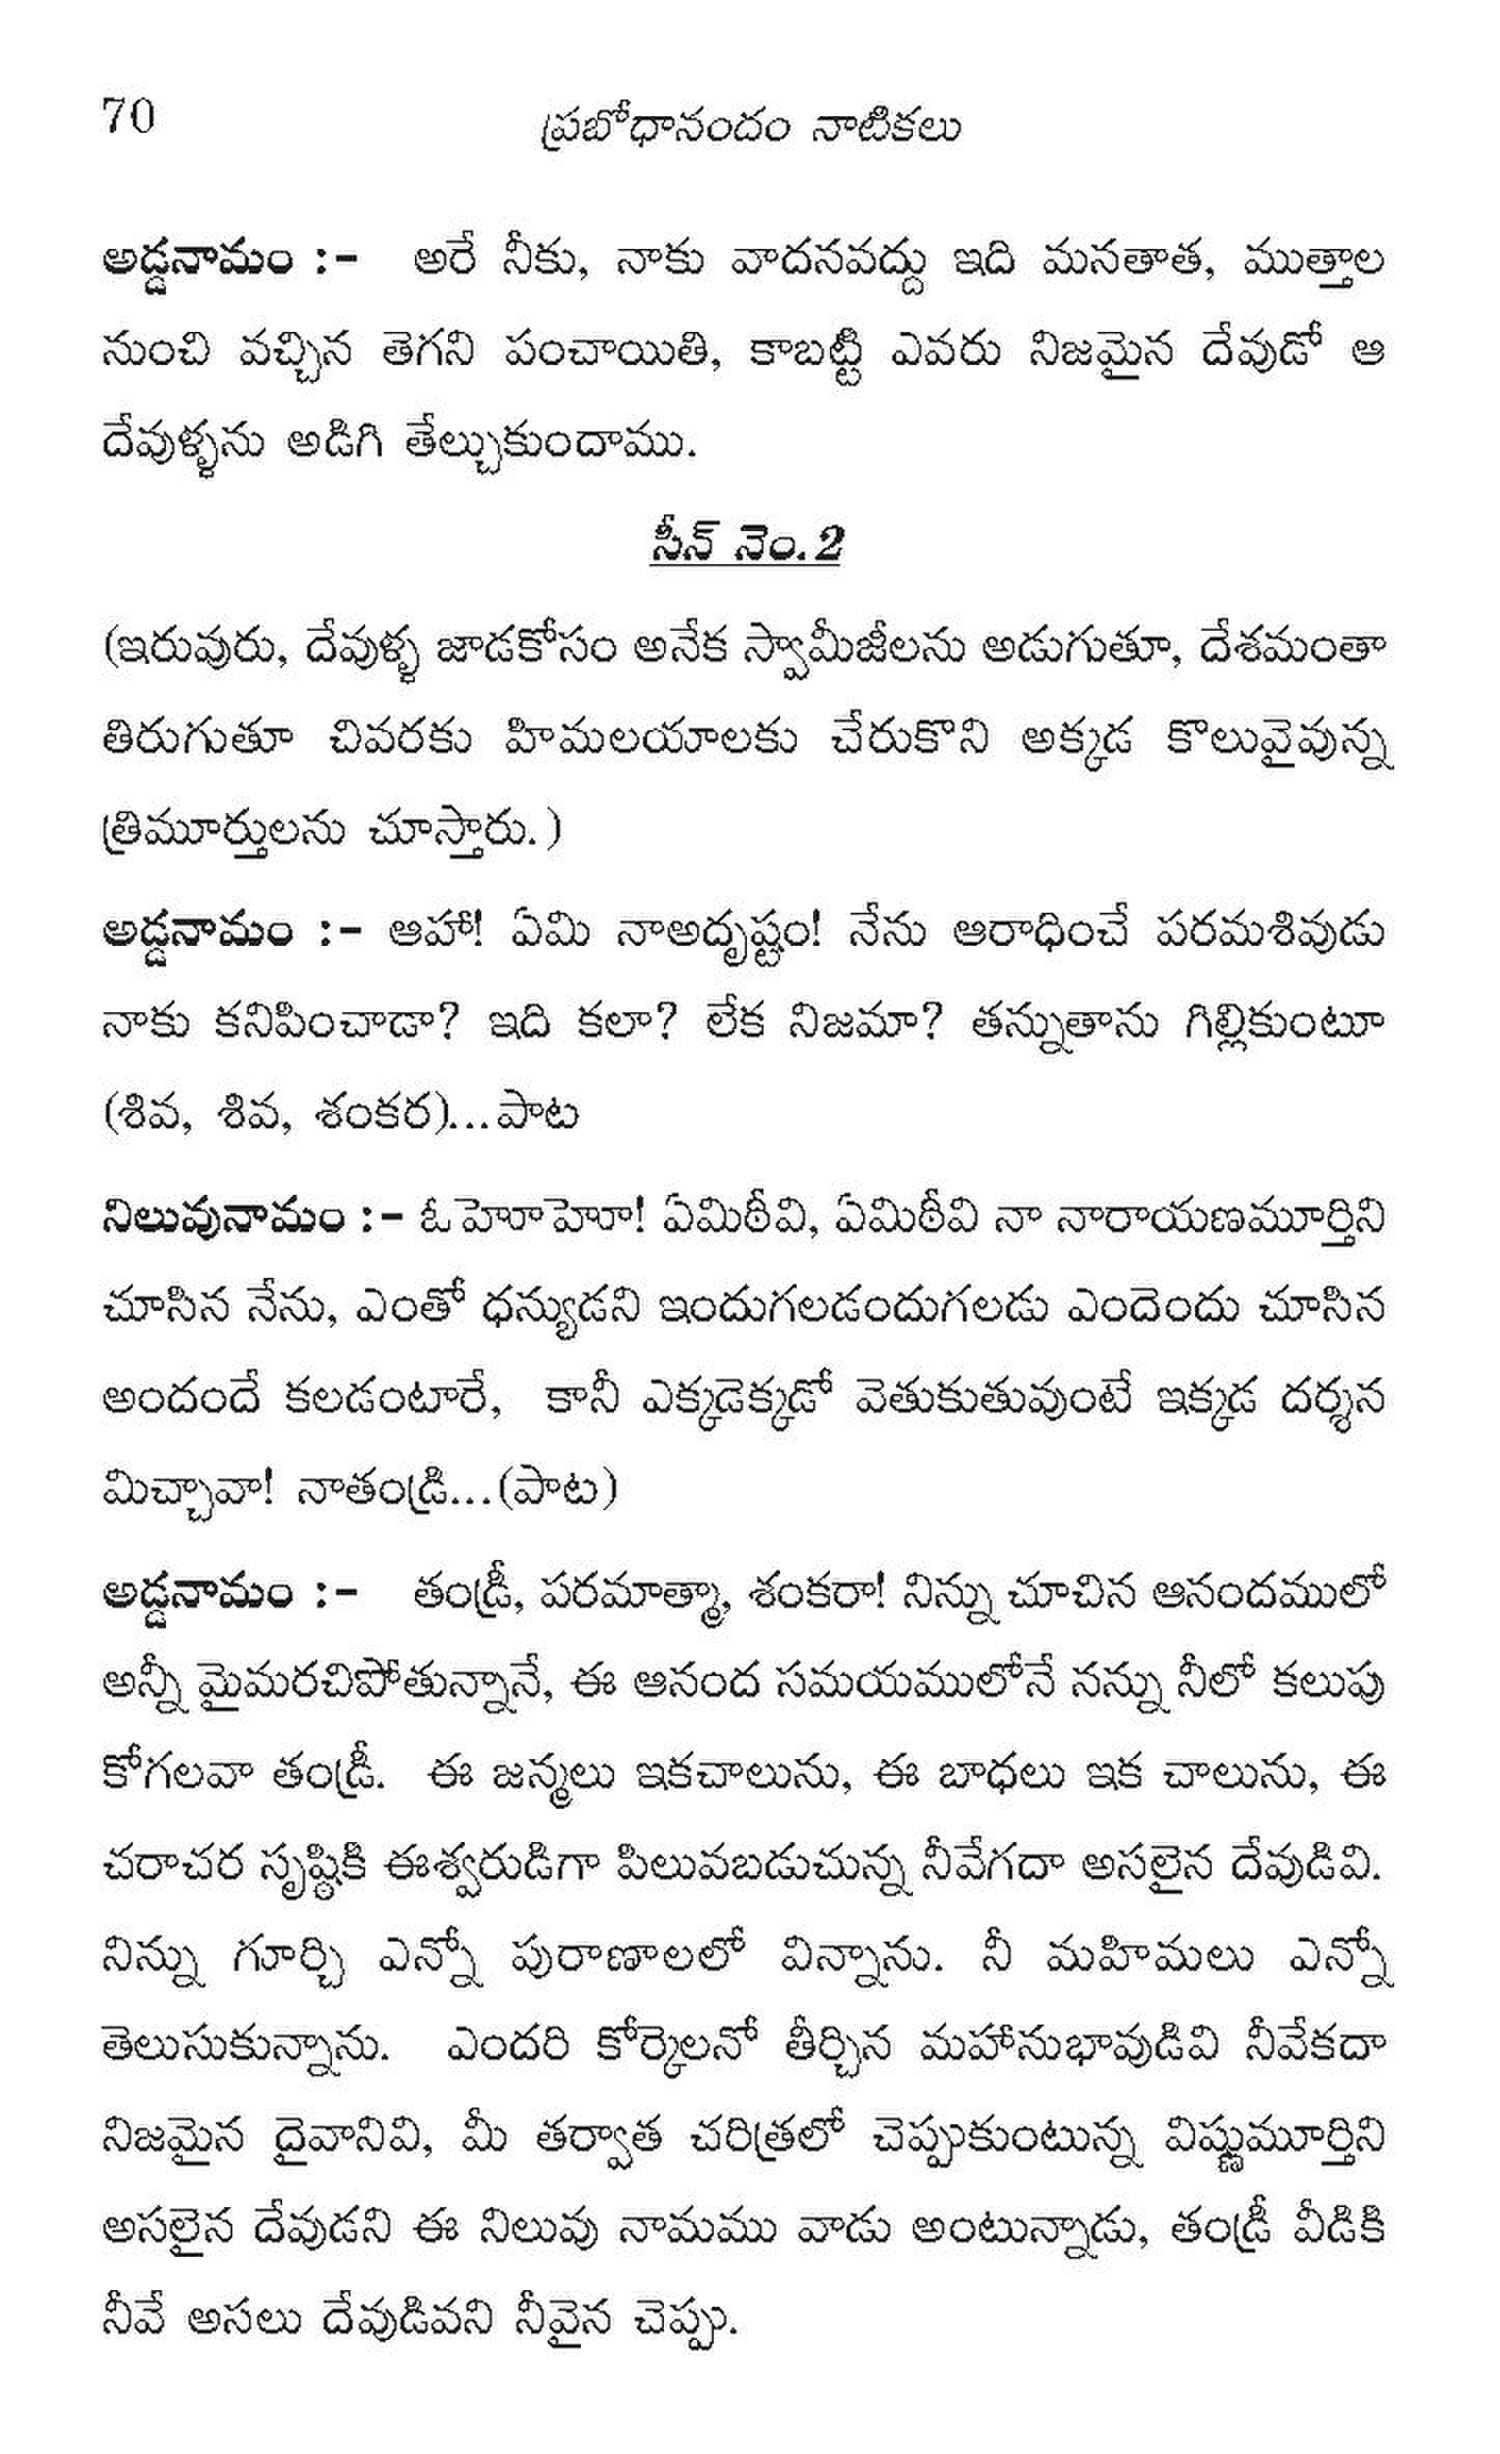అడ్డనామం :- అరే నీకు, నాకు వాదనవద్దు ఇది మనతాత, ముత్తాల నుంచి వచ్చిన తెగని పంచాయితి, కాబట్టి ఎవరు నిజమైన దేవుడో ఆ దేవుళ్ళను అడిగి తేల్చుకుందాము.

--సీన్‌ నెం.2--

(ఇరువురు, దేవుళ్ళ జాడకోసం అనేక స్వామీజీలను అడుగుతూ, దేశమంతా తిరుగుతూ చివరకు హిమలయాలకు చేరుకొని అక్కడ కొలువైవున్న త్రిమూర్తులను చూస్తారు.)

అడ్డనామం :- ఆహా! ఏమి నాఅదృష్టం! నేను ఆరాధించే పరమశివుడు నాకు కనిపించాడా? ఇది కలా? లేక నిజమా? తన్నుతాను గిల్లికుంటూ (శివ, శివ, శంకర)...పాట

నిలువునామం :- ఓహోహో! ఏమిఠీవి, ఏమిఠీవి నా నారాయణమూర్తిని చూసిన నేను, ఎంతో ధన్యుడని ఇందుగలడందుగలడు ఎందెందు చూసిన అందందే కలడంటారే, కానీ ఎక్కడెక్కడో వెతుకుతువుంటే ఇక్కడ దర్శన మిచ్చావా! నాతండ్రి...(పాట)

అడ్డనామం :-	తండ్రీ, పరమాత్మా, శంకరా! నిన్ను చూచిన ఆనందములో అన్నీ మైమరచిపోతున్నానే, ఈ ఆనంద సమయములోనే నన్ను నీలో కలుపు కోగలవా తండ్రీ. ఈ జన్మలు ఇకచాలును, ఈ బాధలు ఇక చాలును, ఈ చరాచర సృష్ఠికి ఈశ్వరుడిగా పిలువబడుచున్న నీవేగదా అసలైన దేవుడివి. నిన్ను గూర్చి ఎన్నో పురాణాలలో విన్నాను. నీ మహిమలు ఎన్నో తెలుసుకున్నాను. ఎందరి కోర్కెలనో తీర్చిన మహానుభావుడివి నీవేకదా నిజమైన దైవానివి, మీ తర్వాత చరిత్రలో చెప్పుకుంటున్న విష్ణుమూర్తిని అసలైన దేవుడని ఈ నిలువు నామము వాడు అంటున్నాడు, తండ్రీ వీడికి నీవే అసలు దేవుడివని నీవైన చెప్పు.